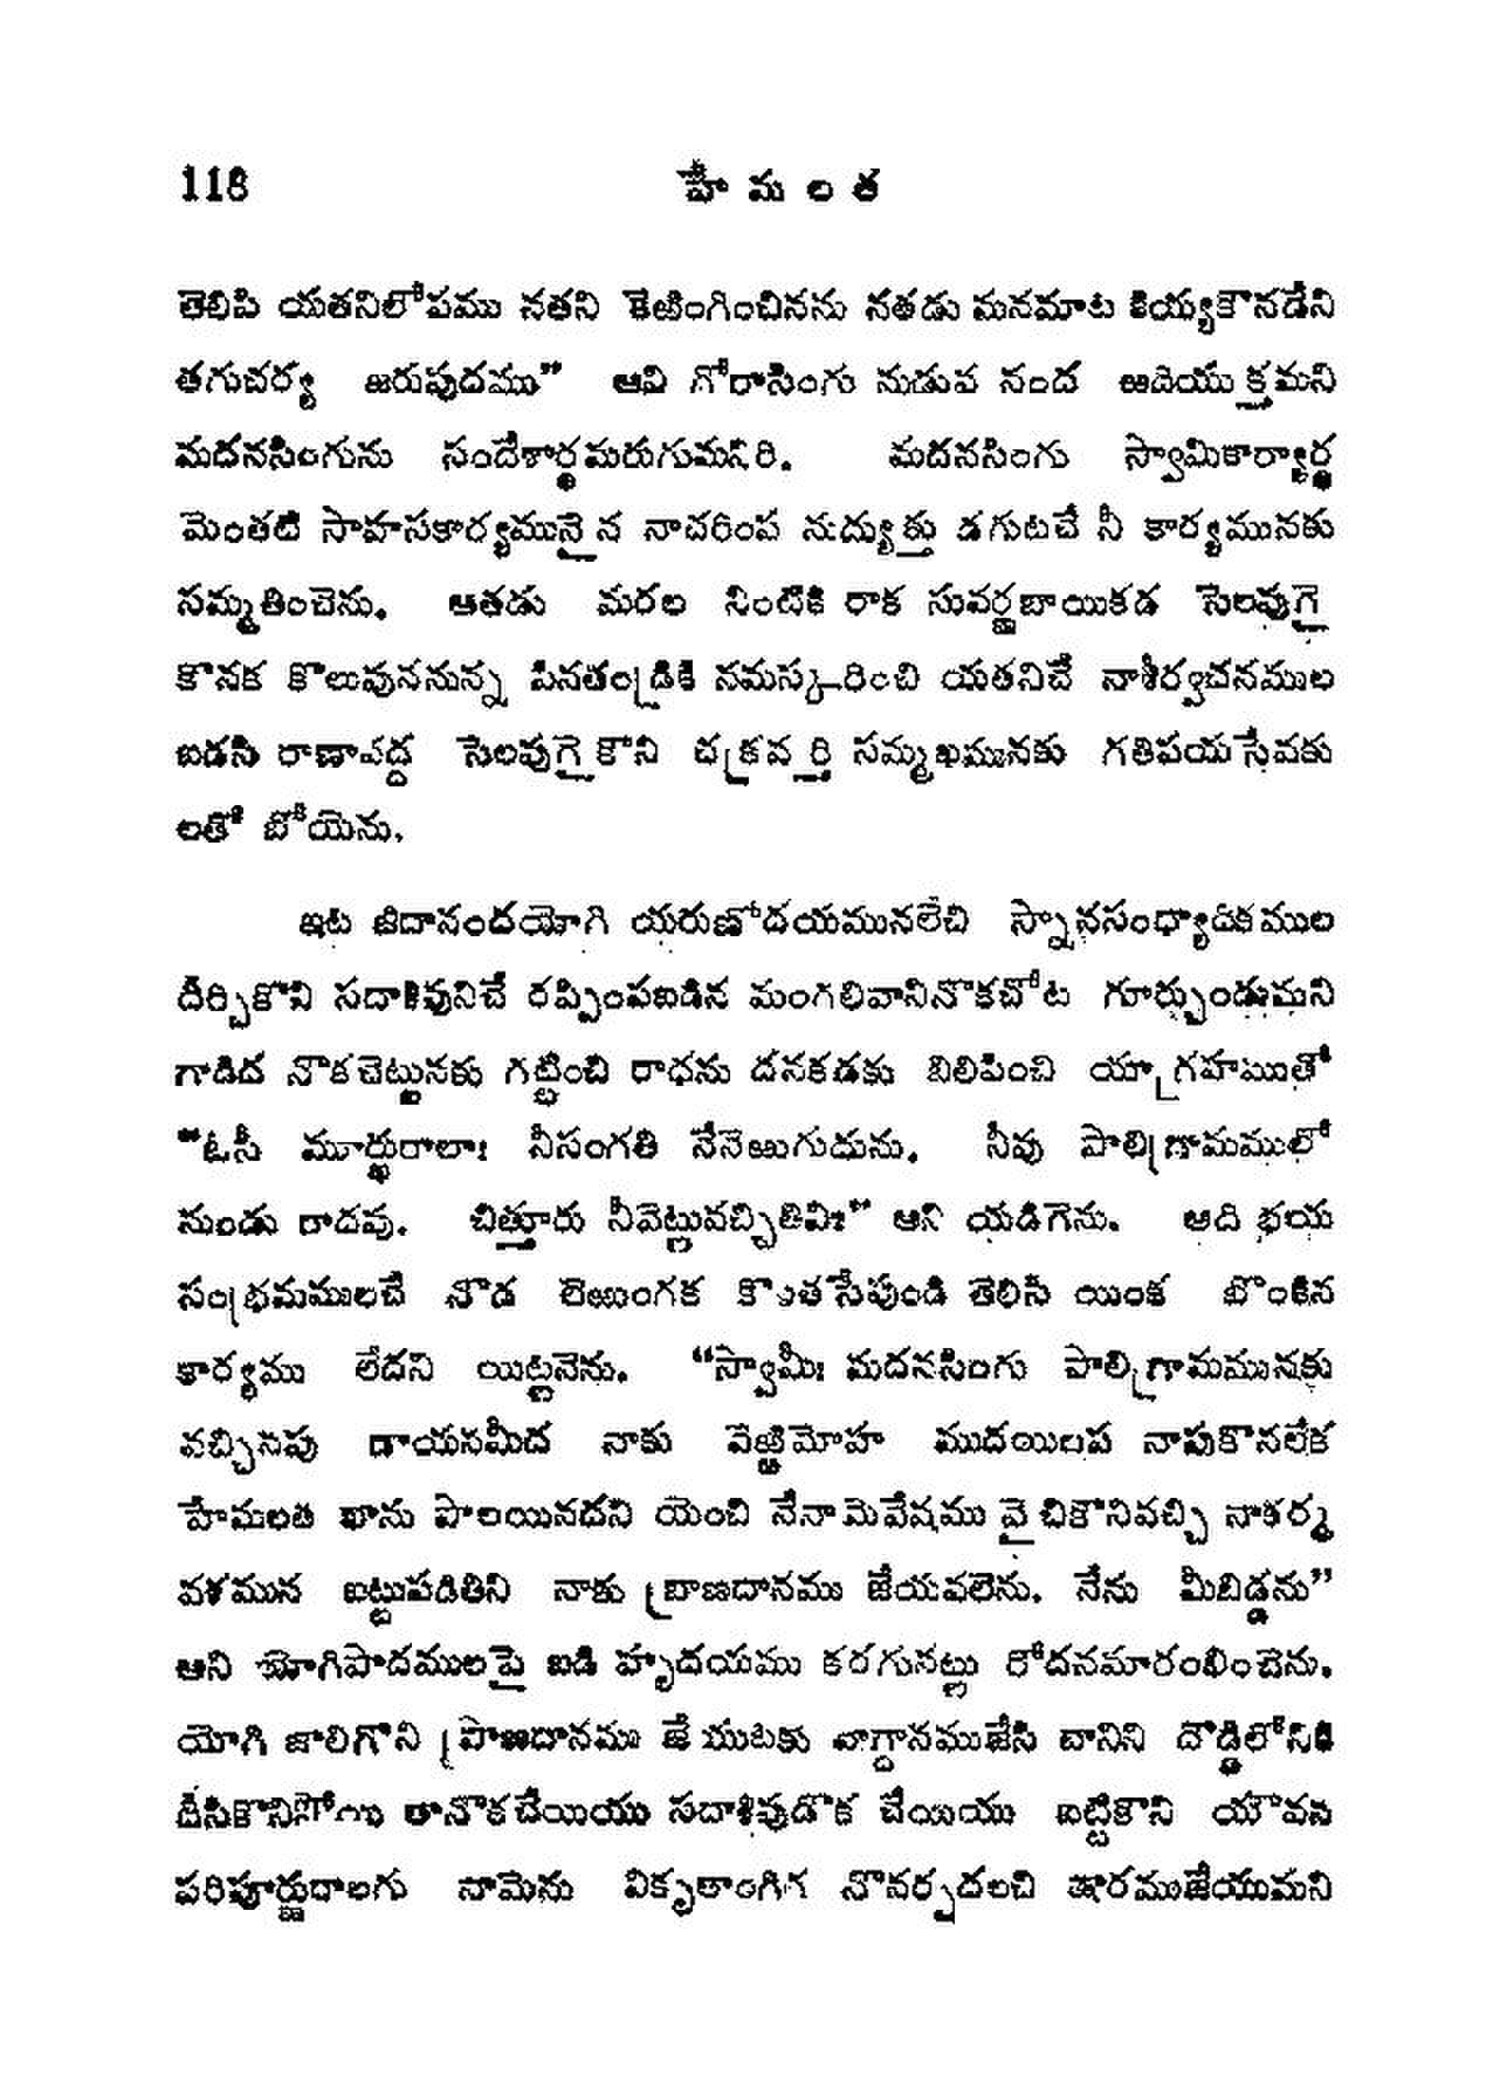తెలిపి యతనిలోపము నతని కెఱింగించినను నతడు మనమాట కియ్యకొనడేని తగుచర్య జరుపుదము” అని గోరాసింగు నుడువ నంద ఱదియుక్తముని మదనసింగును సందేశాలర్థమరుగుమనిరి. మదనసింగు స్వామికార్యార్థ మెంతటి సాహసకార్యమునైన నాచరింప నుద్యుక్తుడగుటచే నీ కార్యమునకు సమ్మతించెను. ఆతడు మరల నింటికి రాక సువర్ణబాయికడ సెలవుగైకొనక కొలువుననున్న పినతండ్రికి నమస్కరించి యతనిచే నాశీర్వచనముల బడసి రాణావద్ద సెలవుగైకొని చక్రవర్తి సమ్ముఖమునకు గతిపయసేవకులతో బోయెను.

ఇట జిదానందయోగి యరుణోదయమునలేచి స్నానసంధ్యాదికముల దీర్చికొని సదాశివునిచే రప్పింపబడిన మంగలివానినొకచోట గూర్చుండుమని గాడిద నొకచెట్టునకు గట్టించి రాధను దనకడకు బిలిపించి యాగ్రహముతో “ఓసీ మూర్ఖురాలా! నీసంగతి నేనెఱుగుదును. నీవు పాలిగ్రామములో నుండు రాధవు. చిత్తూరు నీవెట్లువచ్చితివి?” అని యడిగెను. అది భయ సంభ్రమములచే నొడ లెఱుంగక కొంతసేపుండి తెలిసి యింక బొంకిన కార్యము లేదని యిట్లనెను. “స్వామీ! మదనసింగు పాలిగ్రామమునకు వచ్చినపు డాయనమీద నాకు వెఱ్ఱిమోహ ముదయిలప నాపుకొనలేక హేమలత ఖాను పాలయినదని యెంచి నేనామెవేషము వైచికొనివచ్చి నాకర్మ వశమున బట్టుపడితిని. నాకు బ్రాణదానము చేయవలెను. నేను మీబిడ్డను” అని యోగిపాదములపై బడి హృదయము కరగునట్టు రోదనమారంభించెను. యోగి జాలిగొని ప్రాణదానము జేయుటకు వాగ్దానముజేసి దానిని దొడ్డిలోనికి దీసికొనిపోయి తానొక చేయియు సదాశివుడొక చేయియు బట్టికొని యౌవన పరిపూర్ణురాలగు నామెను వికృతాంగిగ నొనర్పదలచి క్షారముజేయుమని